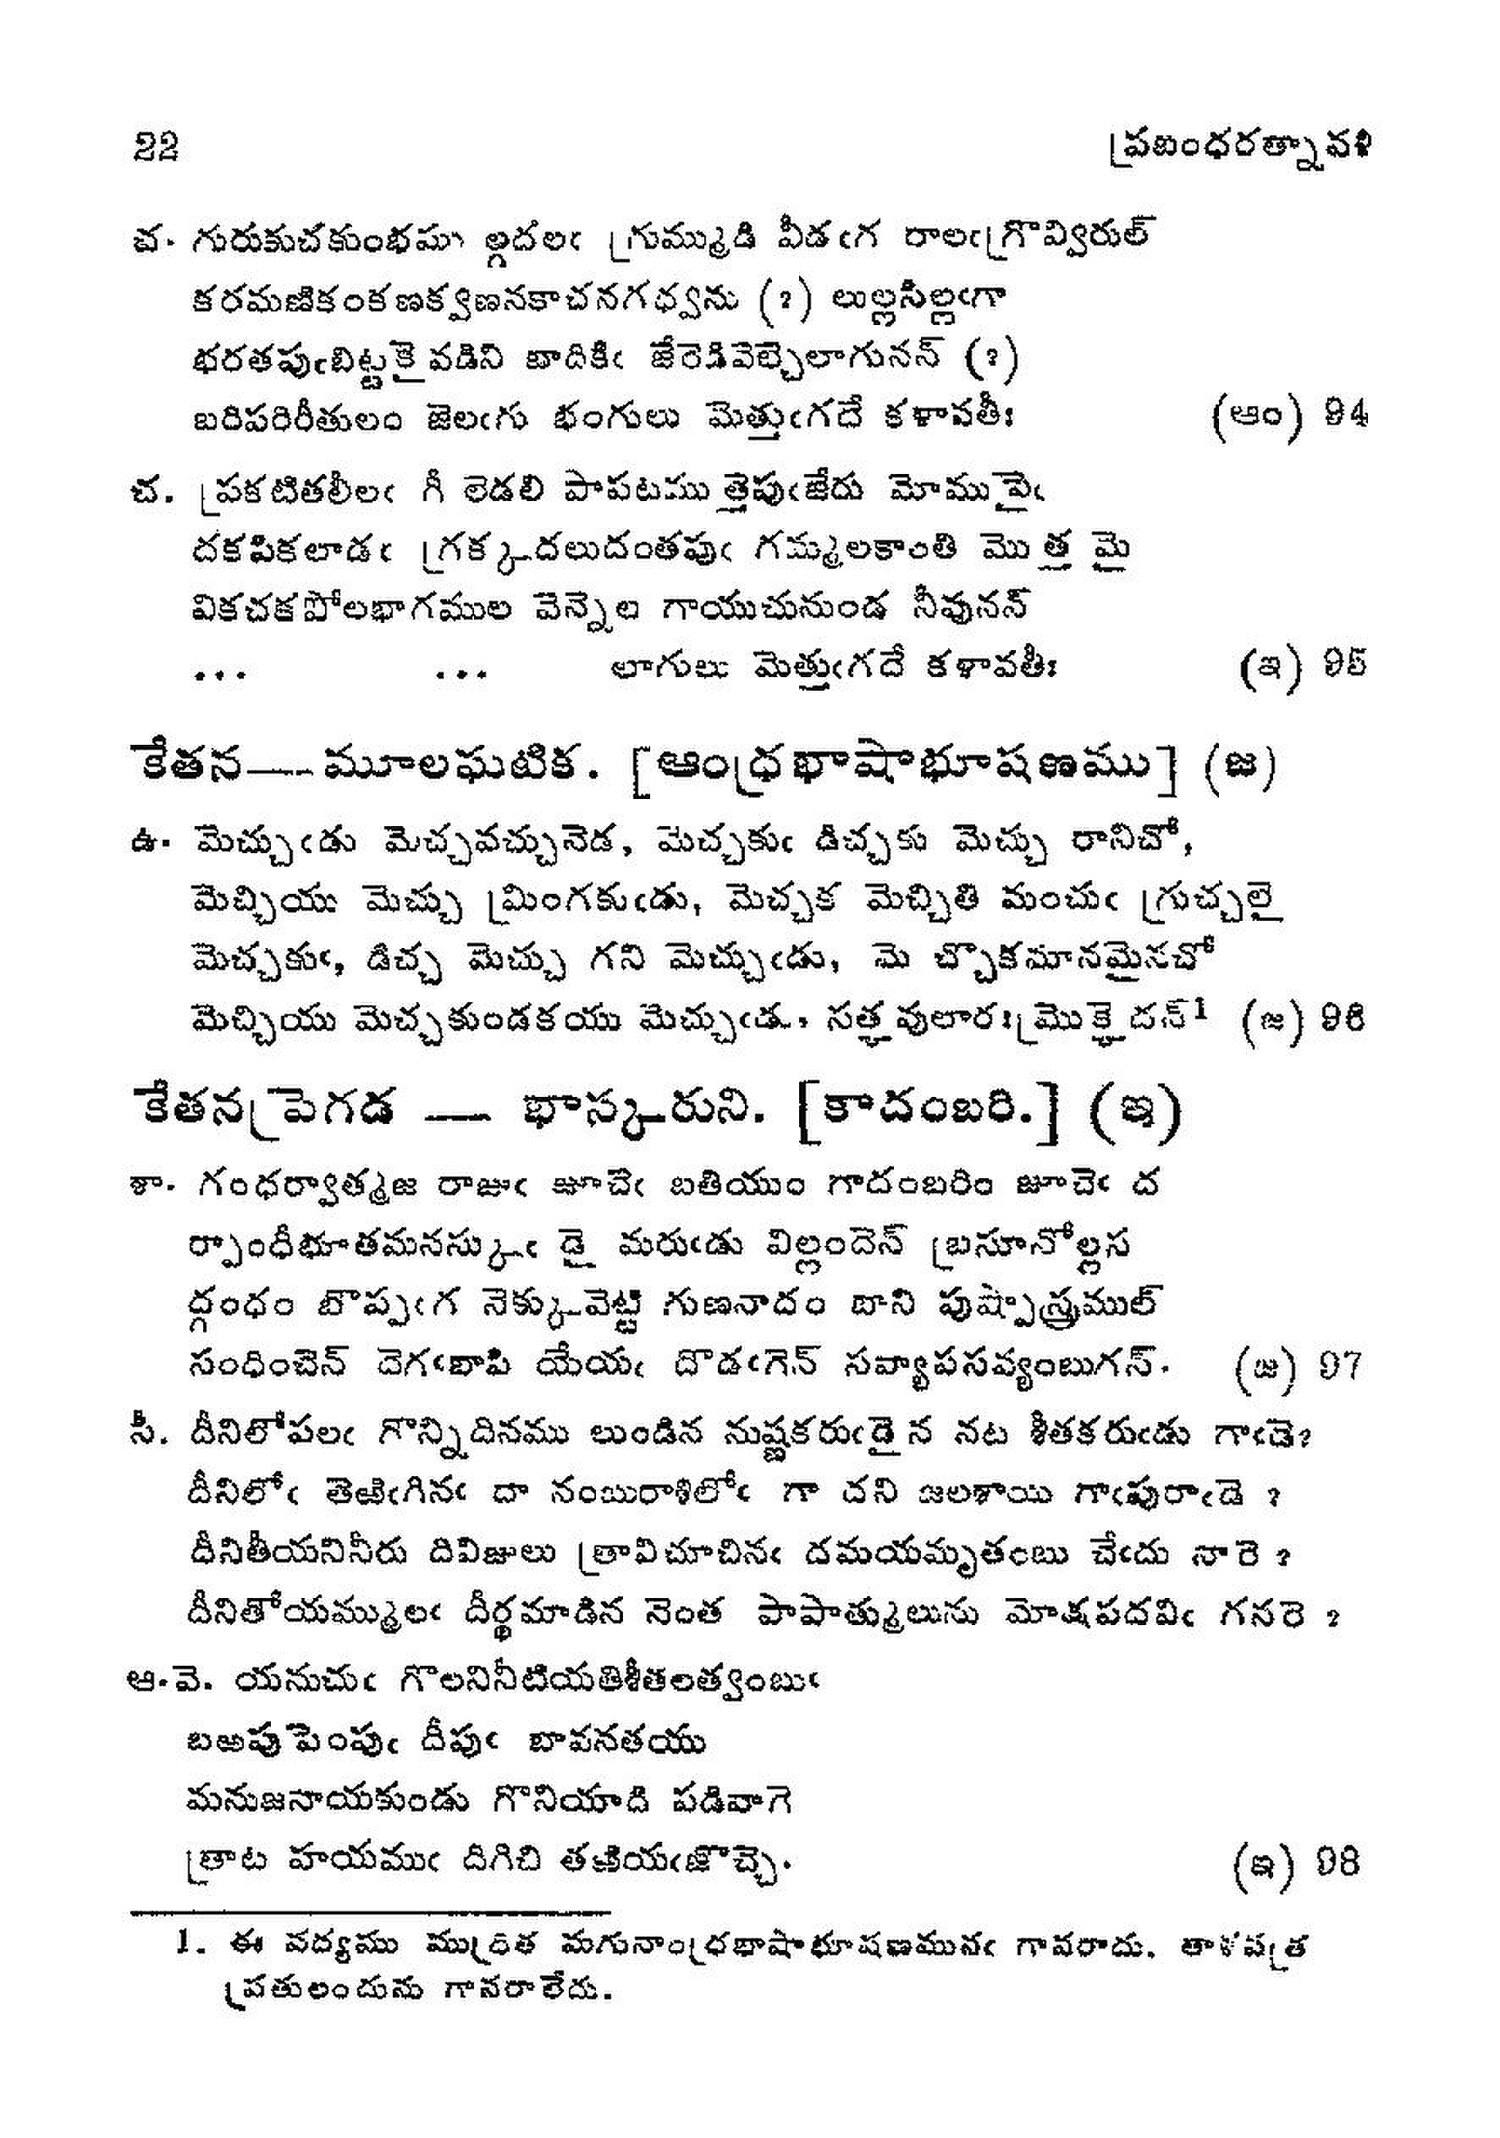చ. గురుకుచకుంభము ల్గదలఁ గ్రుమ్ముడి వీడఁగ రాలఁ గ్రొవ్విరుల్
కరమణికంకణక్వణనకాచనగధ్వను[?] లుల్లసిల్లఁగా
భరతపుఁబిట్టకైవడిని బాదికిఁ జేరెడి వెల్చెలాగునన్[?]
బరిపరిరీతులన్ జెలఁగు భంగులు మెత్తుఁగదే కళావతీ! (ఆం) 94

చ. ప్రకటితలీలఁ గీ లెడలి పాపటముత్తెపుఁజేరు మోముపైఁ
దకపికలాడఁ గ్రక్కదలు దంతపుఁ గమ్మలకాంతి మొత్తమై
వికచకపోలభాగముల వెన్నెల గాయుచునుండ నీవు నన్
................................... లాగులు మెత్తుఁగదే కళావతీ! (ఇ) 95

ఉ. మెచ్చుఁడు మెచ్చవచ్చునెడ, మెచ్చకుఁ డిచ్చకు మెచ్చు రానిచో,
మెచ్చియు మెచ్చు మ్రింగకుఁడు, మెచ్చక మెచ్చితి మంచుఁ గ్రుచ్చలై
మెచ్చకుఁ, డిచ్చ మెచ్చుఁ గని మెచ్చుఁడు, మె చ్చొకమానమైనచో
మెచ్చియు మెచ్చకుండకయు మెచ్చుఁడు, సత్కవులార! మ్రొక్కెదన్. (జ) 96

శా. గంధర్వాత్మజ రాజుఁ జూచెఁ బతియుం గాదంబరిం జూచె ద
ర్పాంధీభూతమనస్కుఁడై మరుఁడు విల్లందెన్ బ్రసూనోల్లస
ద్గంధం బొప్పఁగ నెక్కువెట్టి గుణనాదం బాని పుష్పాస్త్రముల్
సంధించెన్ దెగఁబాపి యేయఁ దొడఁగెన్ సవ్యాపసవ్యంబుగన్. (జ) 97

సీ. దీనిలోపలఁ గొన్నిదినము లుండిన నుష్ణ కరుఁడైన నట శీతకరుఁడు గాఁడె?
దీని లోఁ తెరిగినఁ దా నంబురాశిలోఁ గా దని జలశాయి గాఁపురాఁడె?
దీనితీయనినీరు దివిజులు త్రావిచూ చినఁ దమయమృతంబు చేఁదు నారె?
దీని తోయమ్ముల దీర్థమాడిన నెంత పాపాత్ములును మోక్షపదవిఁ గనరె?
ఆ. యనుచుఁ గొలనినీటి యతిశీతలత్వంబుఁ
బఱపు పెంపుఁ దీపుఁ బావనతయు
మనుజనాయకుండు గొనియాడి పడివాగె
త్రాట హయముఁ దిగిచి తఱియఁజొచ్చె. (ఇ) 98